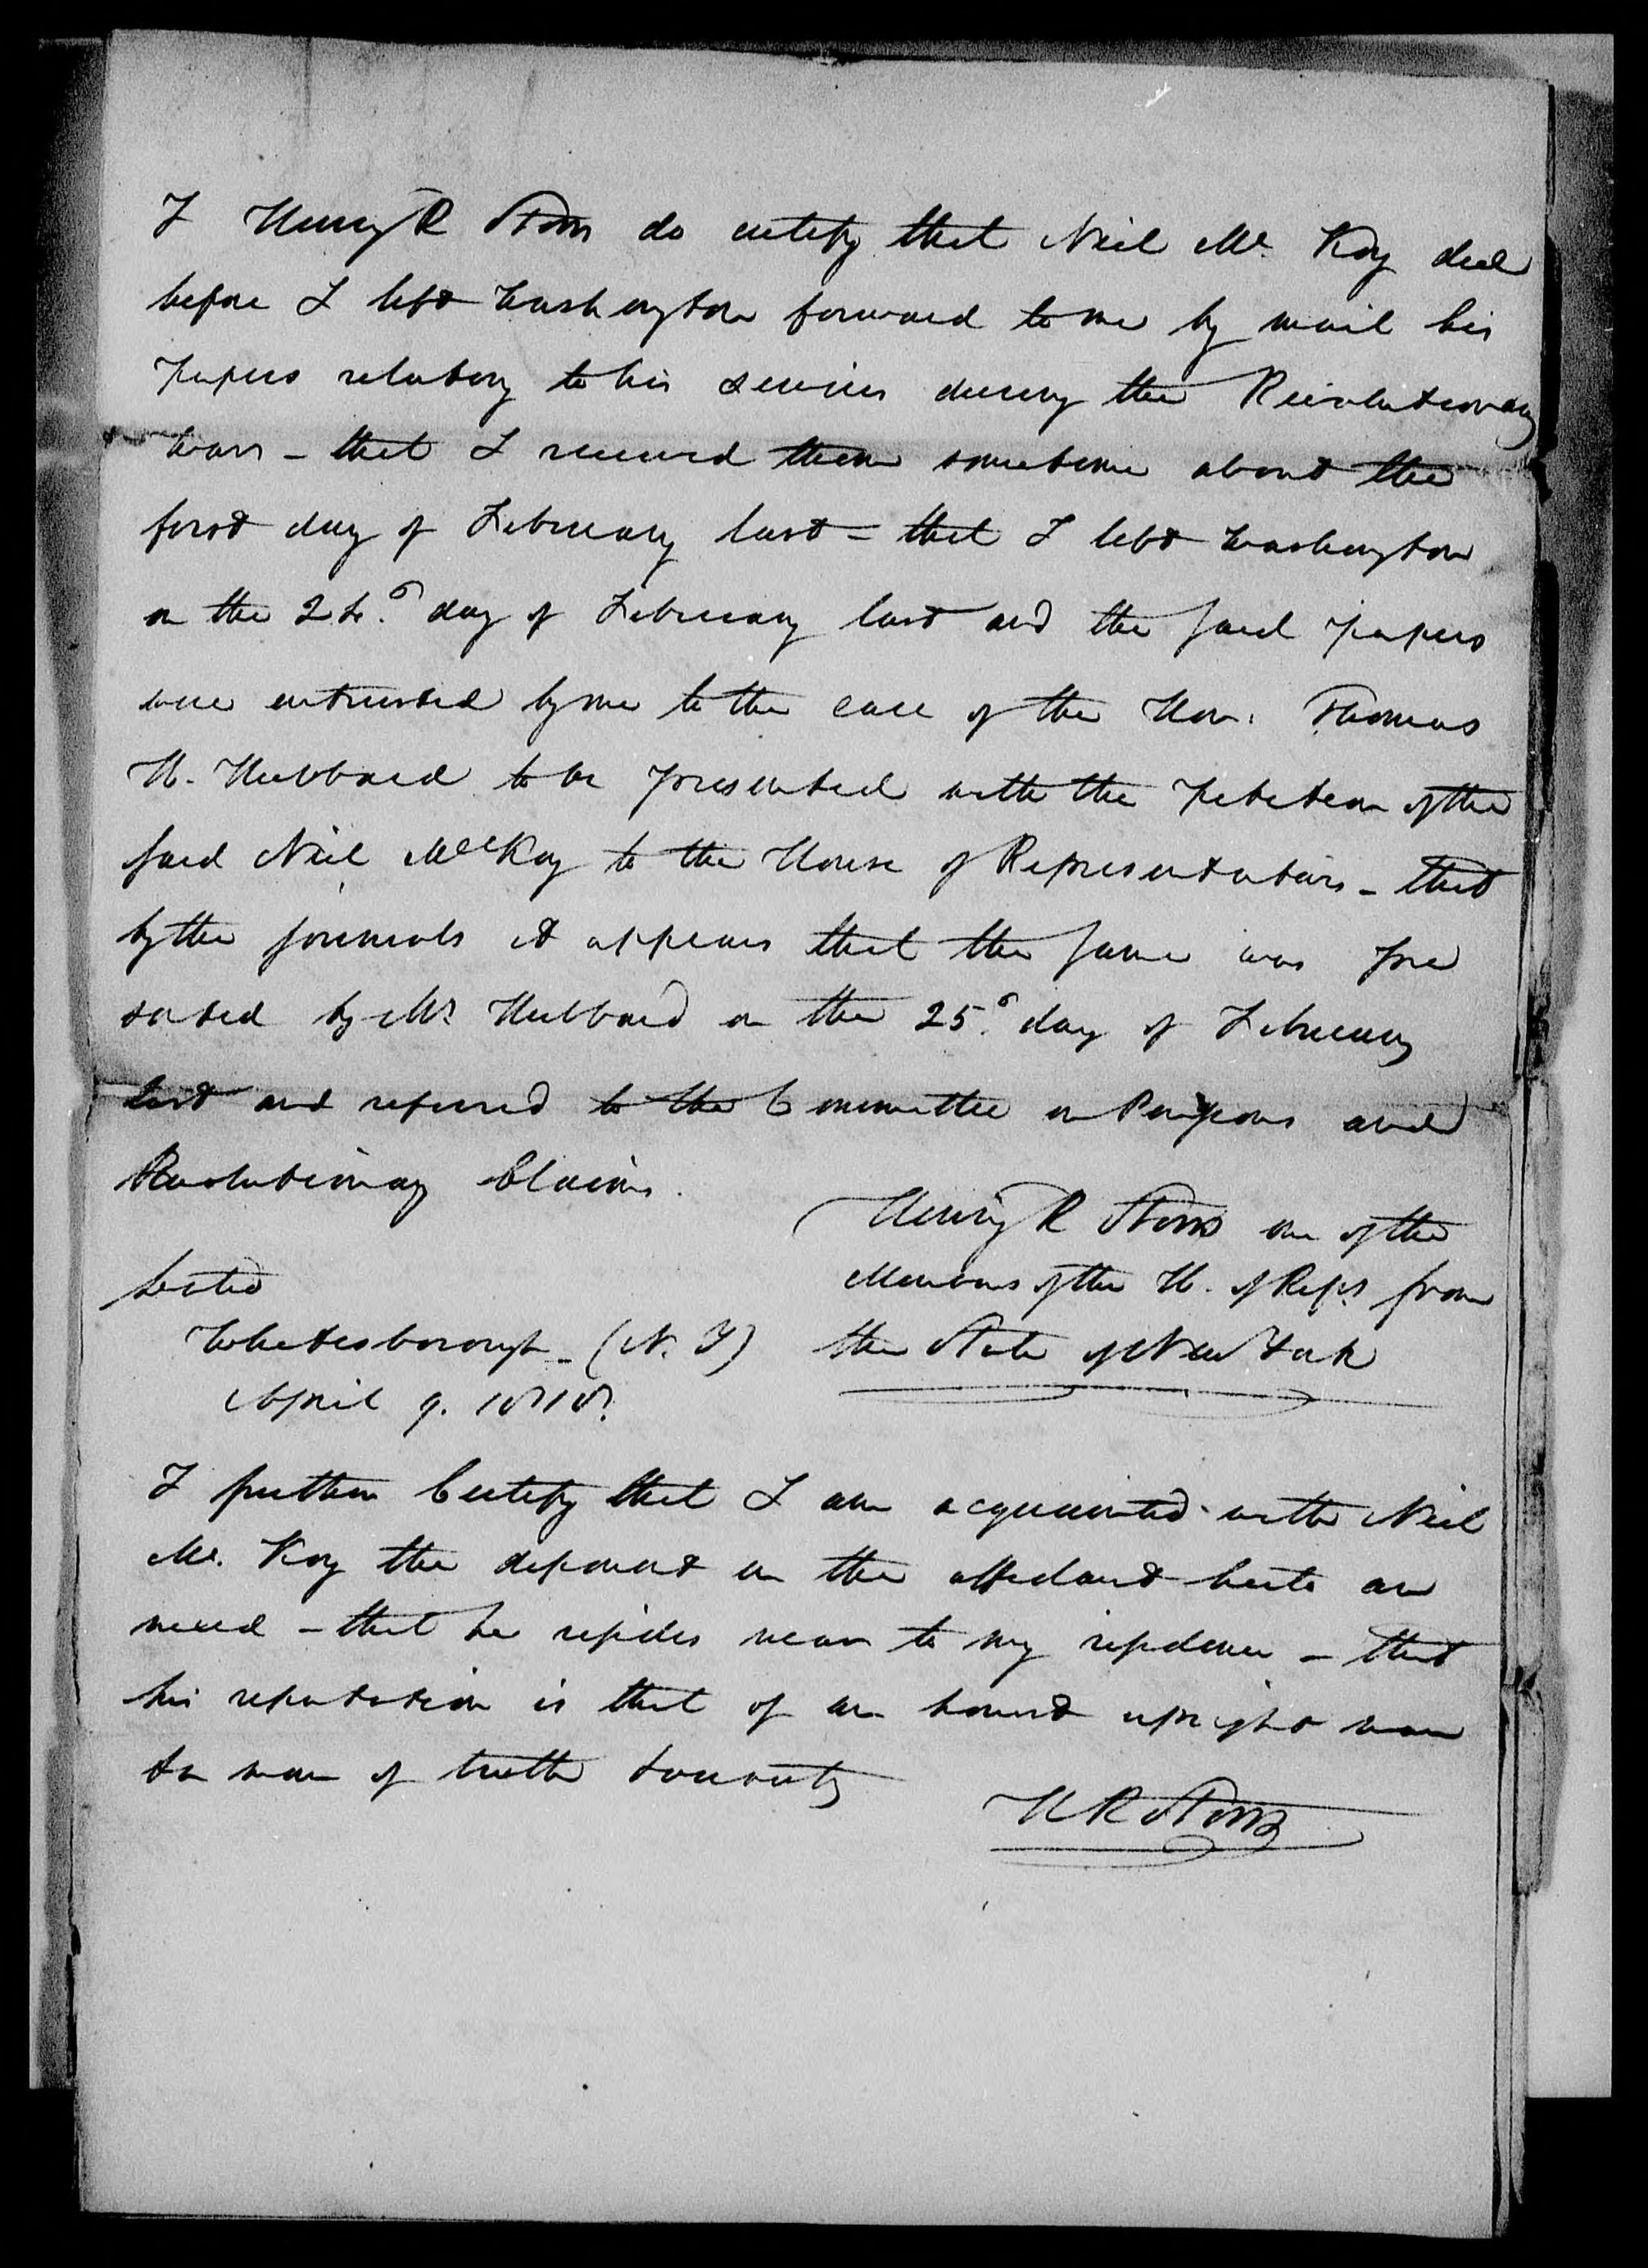I Henry R Starr do certify that Neil McKoy [?] before I left Washington forward to me by mail his papers relating to his service during the Revolutionary War - that I received them sometime about the first day of February last - that I left Washington on the 21st day of February last and the said papers were entrusted to my to the care of the Hon. Thomas M Hubbard to be presented with the petition of the said Neil McKoy to the [?] of [?] - that by the journals it appears that the same was [?] [?] by [?] Hubbard on the 25th day of February last and referred to the committee on paupers [?] Revolutionary Claims
Henry R Starrs one of the [?] of the [? ? ?] from the State of New York
Set to Whetesborough (N Y)
April 9, 1818
I further certify that I am acquainted with Neil McKoy the deponent on the affidavit hereto and served - that he resides near to my residence - that his reputation in that of a sound upright man and man of truth and honesty.  
HR Starrs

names: Henry R Storrs; Niel Mc Koy; Thomas H Hubbard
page: 9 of 11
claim: survivor's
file: S. 42951, for Neil Mc Koy, Massachusetts